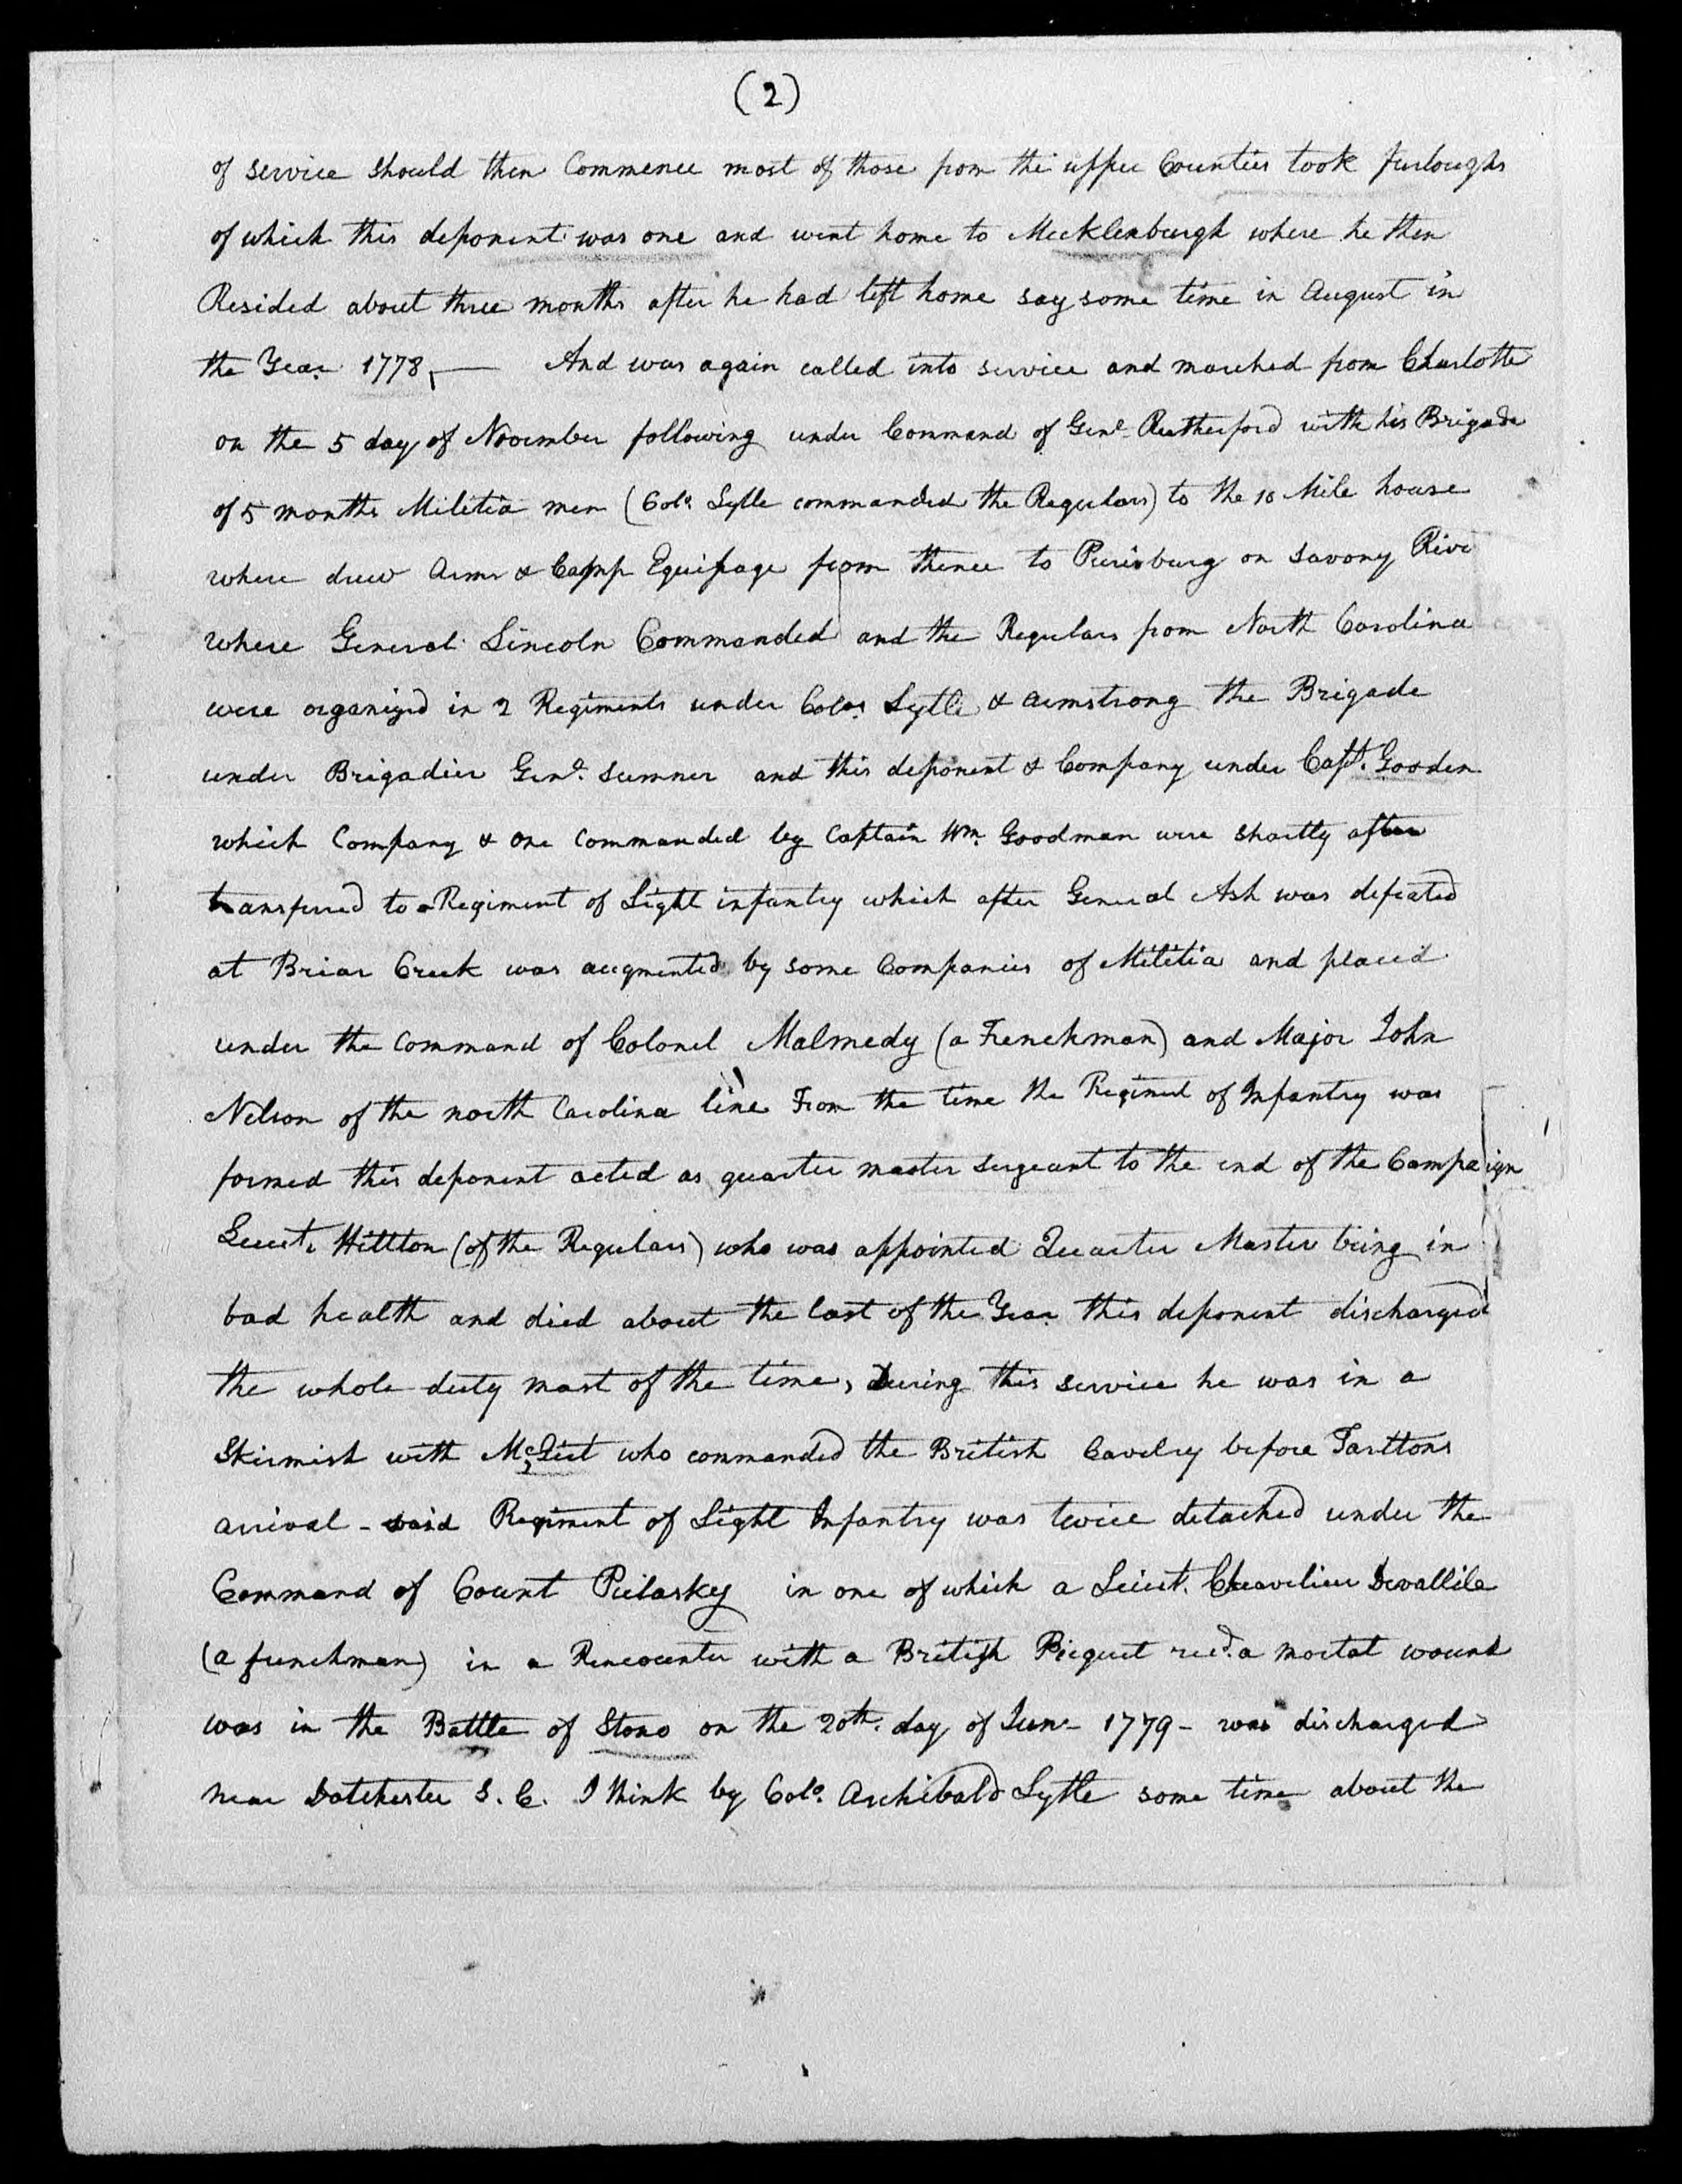(2)
of service should then commence most of those from the upper counties took furloughes of which this deponent was one and went home to Mecklenburgh where he then resided about three months after he had left home say some time in August in the year 1778 -- And was again called in to service and marched from Charlotte on the 5 day of November following under Command of Gen'l Rutherford with his Brigade of 5 months Militia men (Col. Lytle commanded the Regulars) to the 10 mile house where drew armor & Camp Equipage from thence to Purisburg on Savony [Savannah] River where General Lincoln Commanded and the Regulars from North Carolina were organized in 2 Regiments under Col. Lytle & Armstrong the  Brigade under Brigadier Gen'l Sumner and this deponent & Company under Capt. Gooden which company & one commanded by Captain Wm. Goodmen were shortly after transferred to a Regiment of Light infantry which after General Ash was defeated at Briar Creek was augmented by some companies of Militia and placed under the Command of Colonel Malmedy (a Frenchman) and Major John Nelson of the North Carolina line form the time the Regiment of Infantry was formed this deponent acted as quarter master sergeant to the end of the campaign. Lieut. Hillton (of the Regulars) who was apponted Quarter Master being in bad health and died about the last of the year this deponent discharged the whole duty most of the time, during the service he was in a skirmish with McGirt who commanded the British Cavalry before Tarlton's arrival - said Regiment of Light Infantry was twice detached under the Command of Count Pulasky in one of which a Lieut. Cheaveliur Devallile (a frenchman) in a encounter with a British Picquet rec'd a mortal wound was in the  Battle of Stono on the 20th day of June 1779 was discharged near Dotchester [Dorchester] S. C. I think by Col. Archibald Lytle some time about the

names: Equipage, Sumner, Ash, John Nelson, Gooden, Cheaveliur Devallile, Armstrong, Rutherford, Mc Girt, Hillton, Lincoln, Lytle, Malmedy, Wm Goodman, Archibald Lytle, Lytle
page: 12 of 55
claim: survivor's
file: S. 6,937, Joseph Graham, N.C.